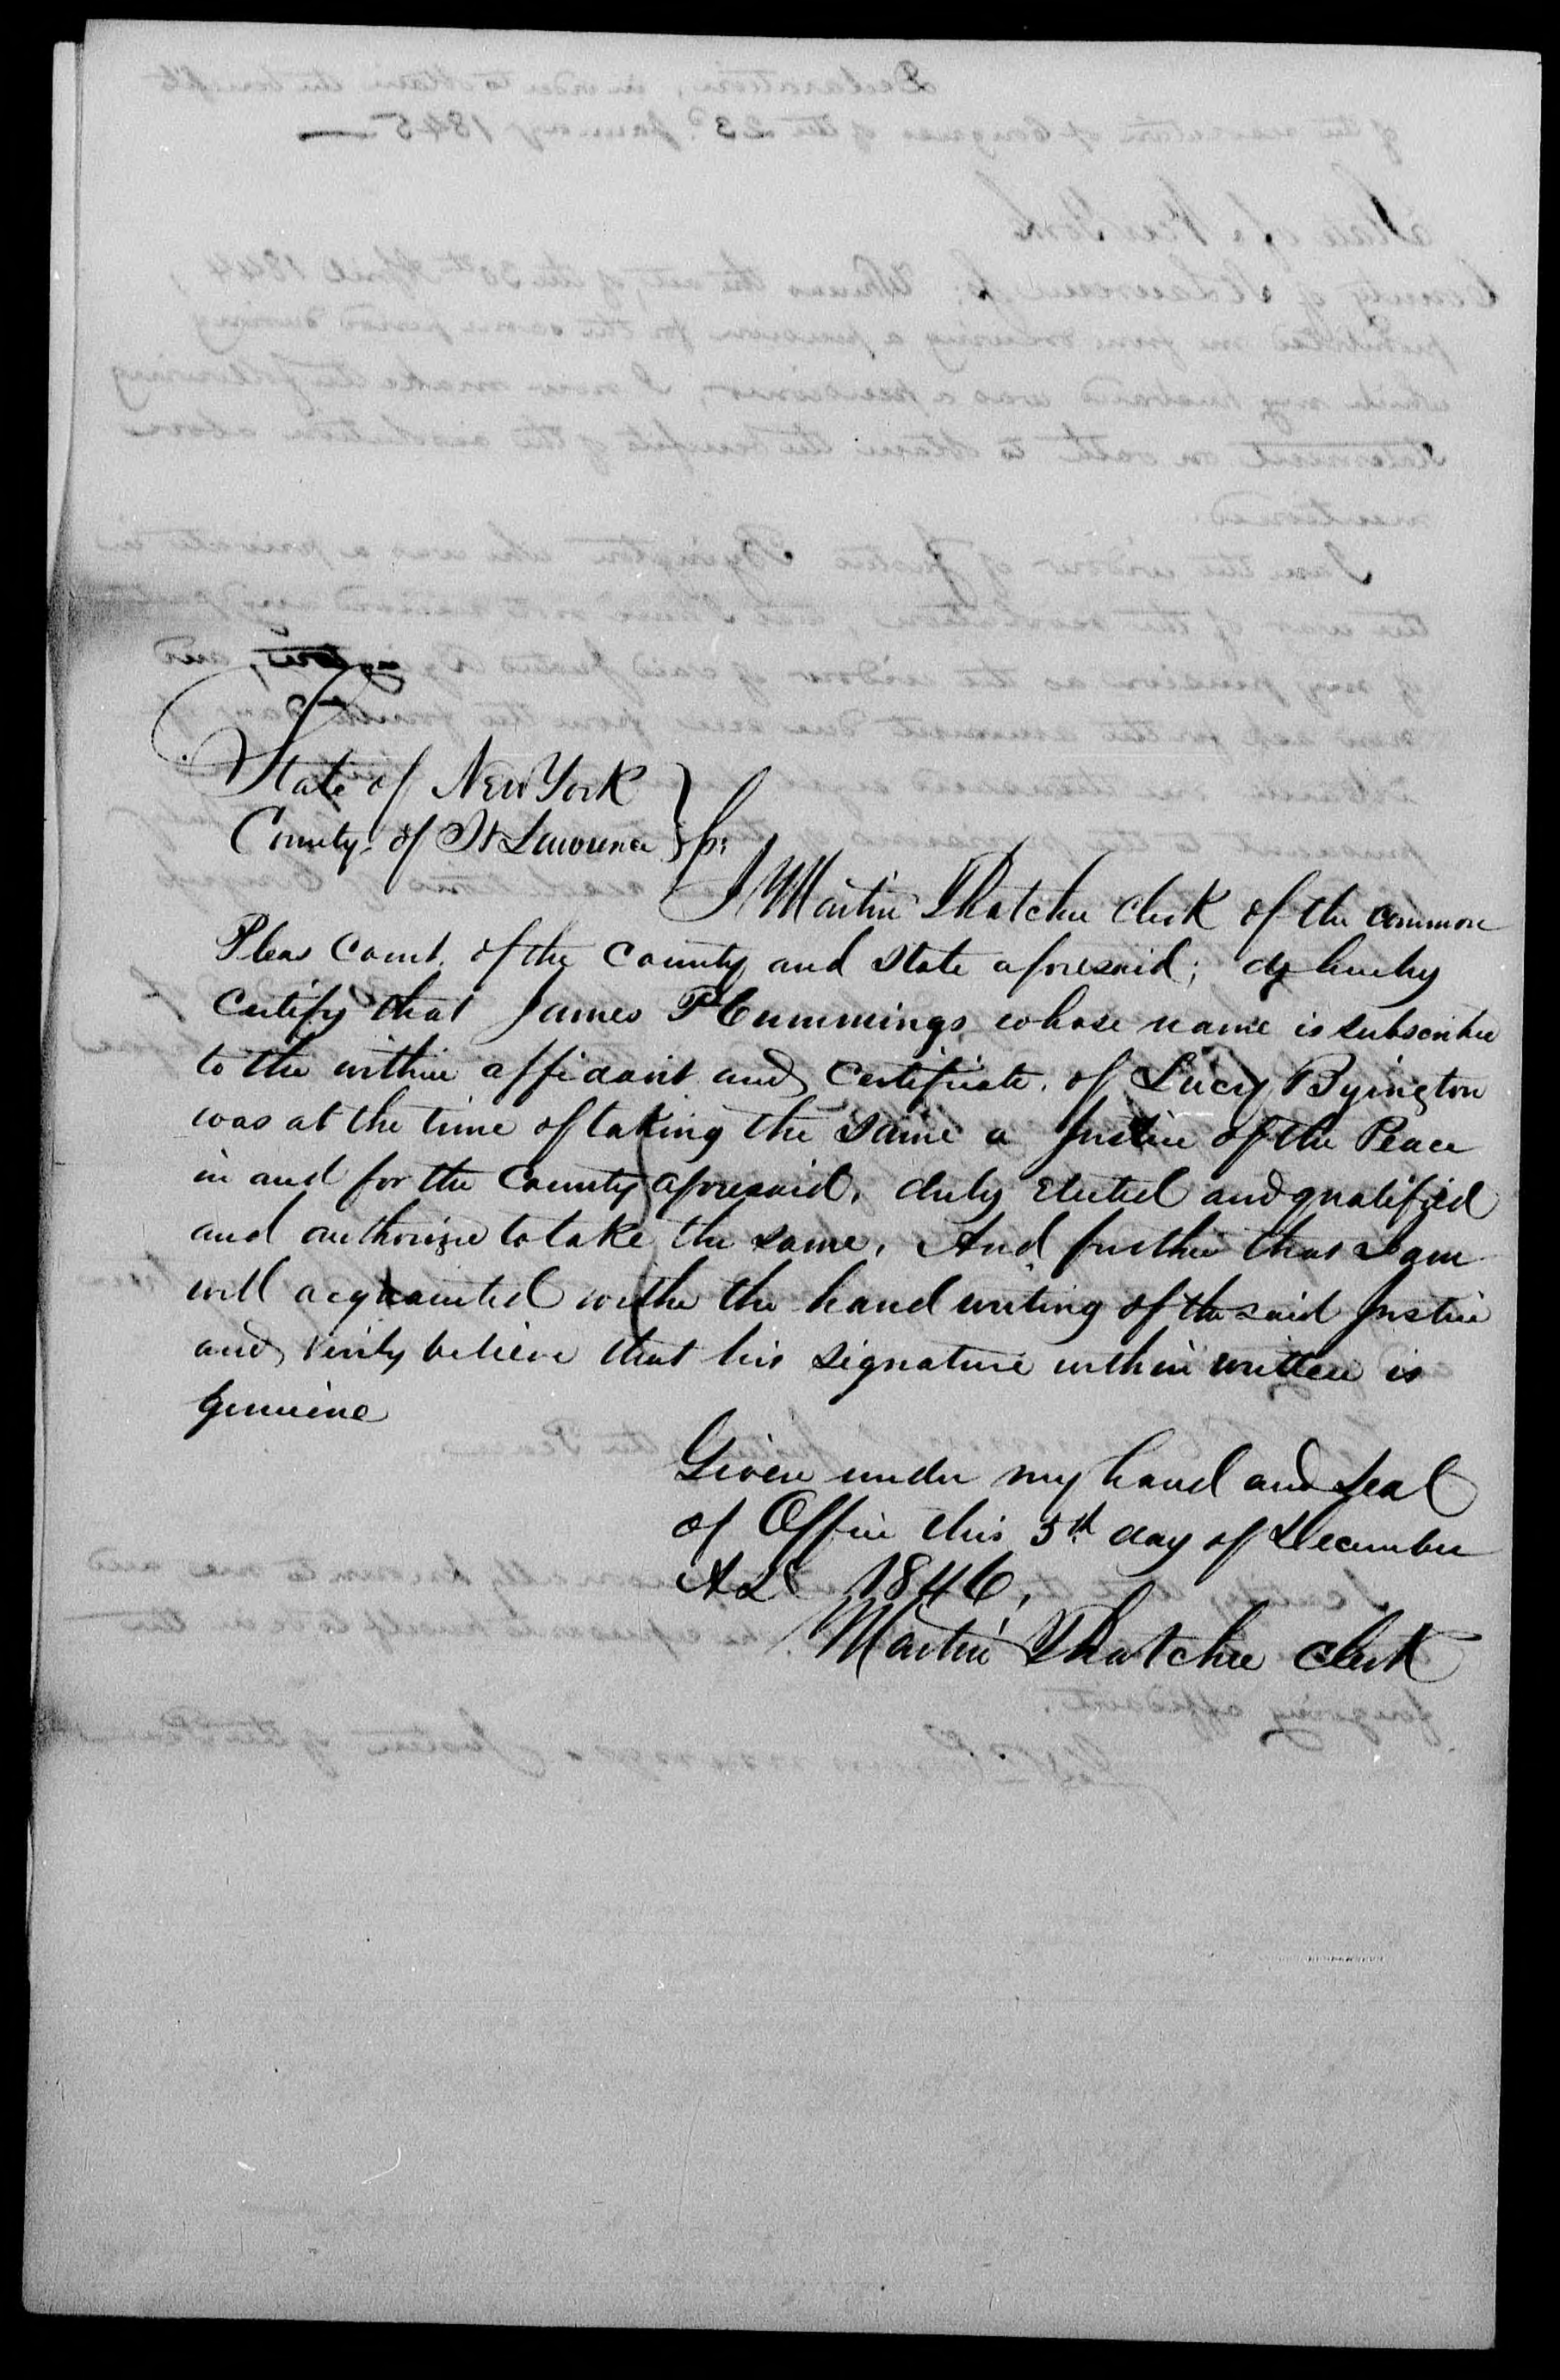State of New York}
County of St. Lawrence ss:}

I Martin Thatcher Clerk of the Common Please Court of the County and State aforesaid; do hereby certify that James P. Cummings whose name is subscribed to the within affidavit and certificate of Lucy Byington was at the time of taking the same a Justice of the Pease in and for the County aforesaid, duly elected and qualified and authorized to take the same. And further that I am well acquainted with the hand writing of the said Justice and verily believe that his signation within written is genuine.

Given under my hand and seal of Office this 2d day of December AD 1846
Martin Thatcher Clerk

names: Lucy Byington, James P Cummings, Martin Thatcher, Martin Thatcher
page: 61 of 79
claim: widow's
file: W. 23754, Justus Byington, Conn.